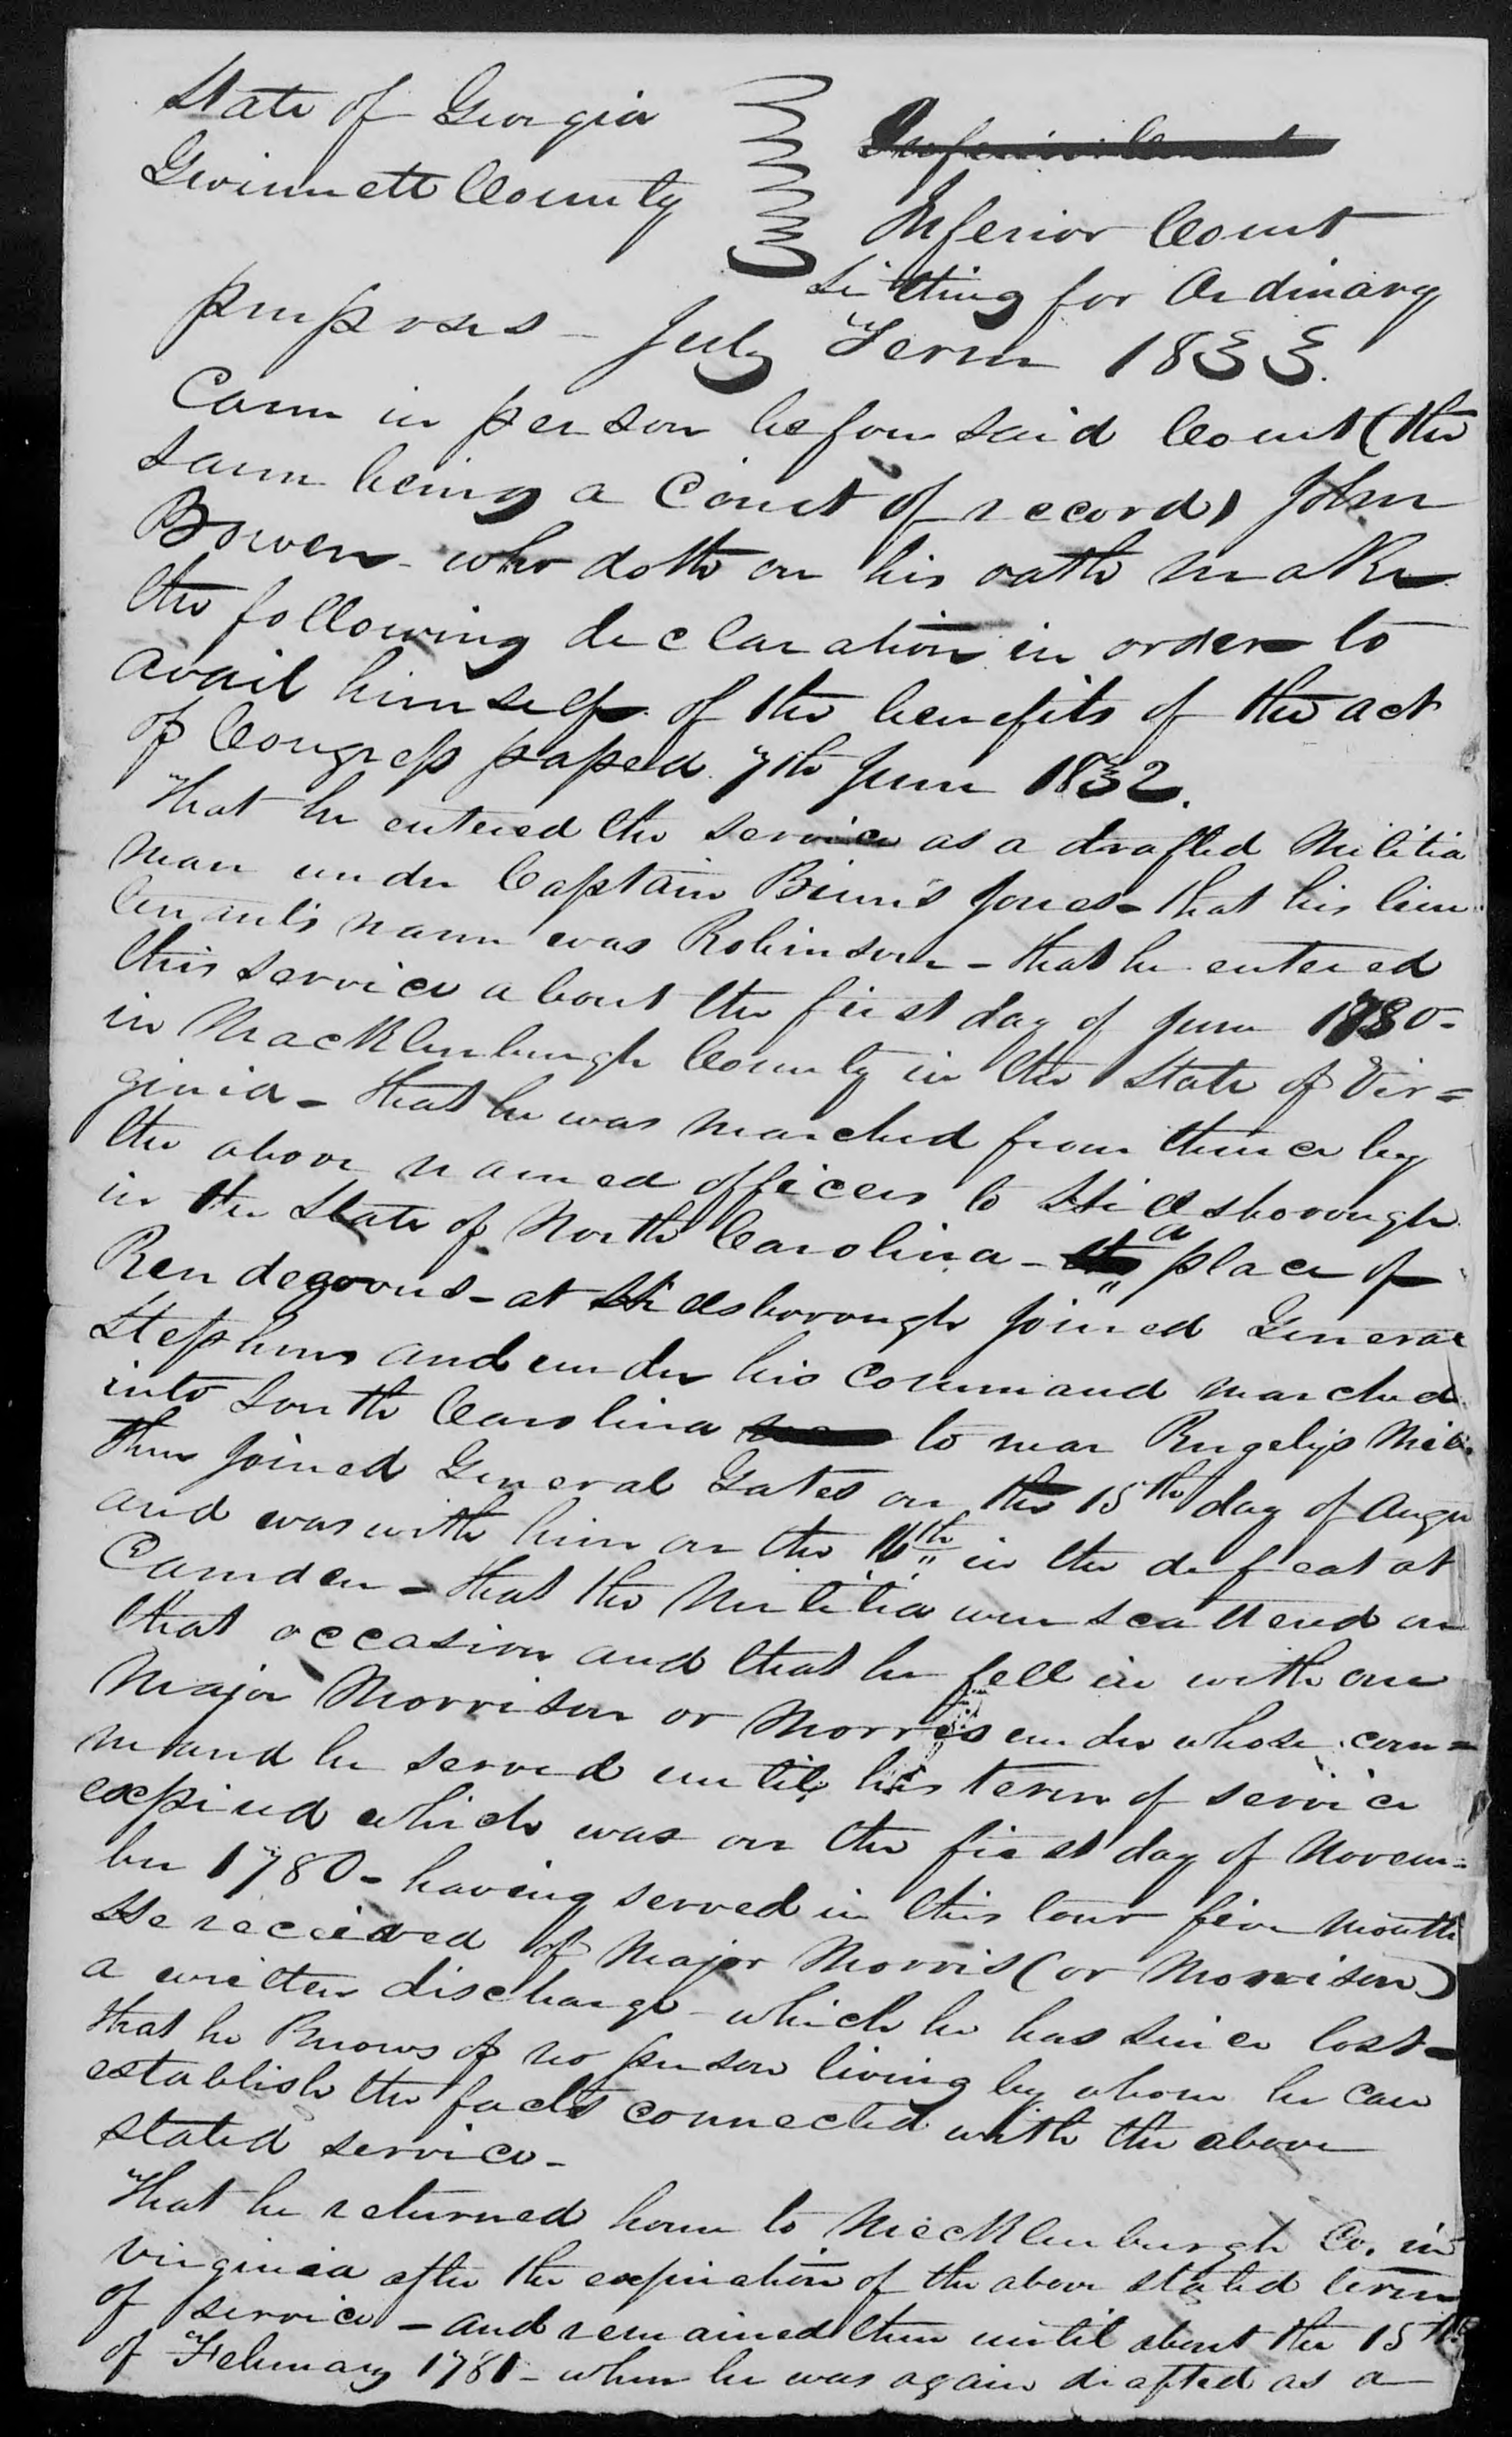State of Georgia  Gwinnette County
Interior Court  Sitting for ordinary
purposes. July Term 1833.  Came in person before said Court (the same being a Court of record) John Bowen who doth on his oath make the following declaration in order to avail himself of the benefits of the act of Congress passed 7th June 1832.
That he entered the service as a drafted Militiaman under Captain Birnis Jones.  that his Lieutenant's name was Robinson.  that he entered this service about the first day of June 1780, in Macklenburgh [Mecklenburg] County in the State of Virginia.  that he was marched from thence by the above named officers to Hillsborough in the State of North Carolina - a place of Rendezvous - at Hillsborough joined General Stephens and under his command marched into South Carolina to near Rugely's militia then joined General Gates on the 15th day of August and was with him on the 16th in the defeat at Camden.  That the Militia was scattered on that occasion and that he fell in with one Major Morrison or Morris under whose command he served until his term of service expired which was on the first day of November 1780.  having served in this tour five months.  He received of Major Morris (or Morrison) a written discharge—which he has since lost—that he knows of no person living
by whom he can establish the facts connected with the above stated service.
That he returned home to Mecklenburgh Co. in Virginia after the expiration of the above stated term of service— and remained there until about the 15th of February 1781—when he was again drafted as a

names: John Bowen, Stephens, Robinson, Morris, Morris, Morrison, Gates, Birnis Jones, Morrison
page: 3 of 20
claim: survivor's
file: S. 32,124, John Bowen, Va.